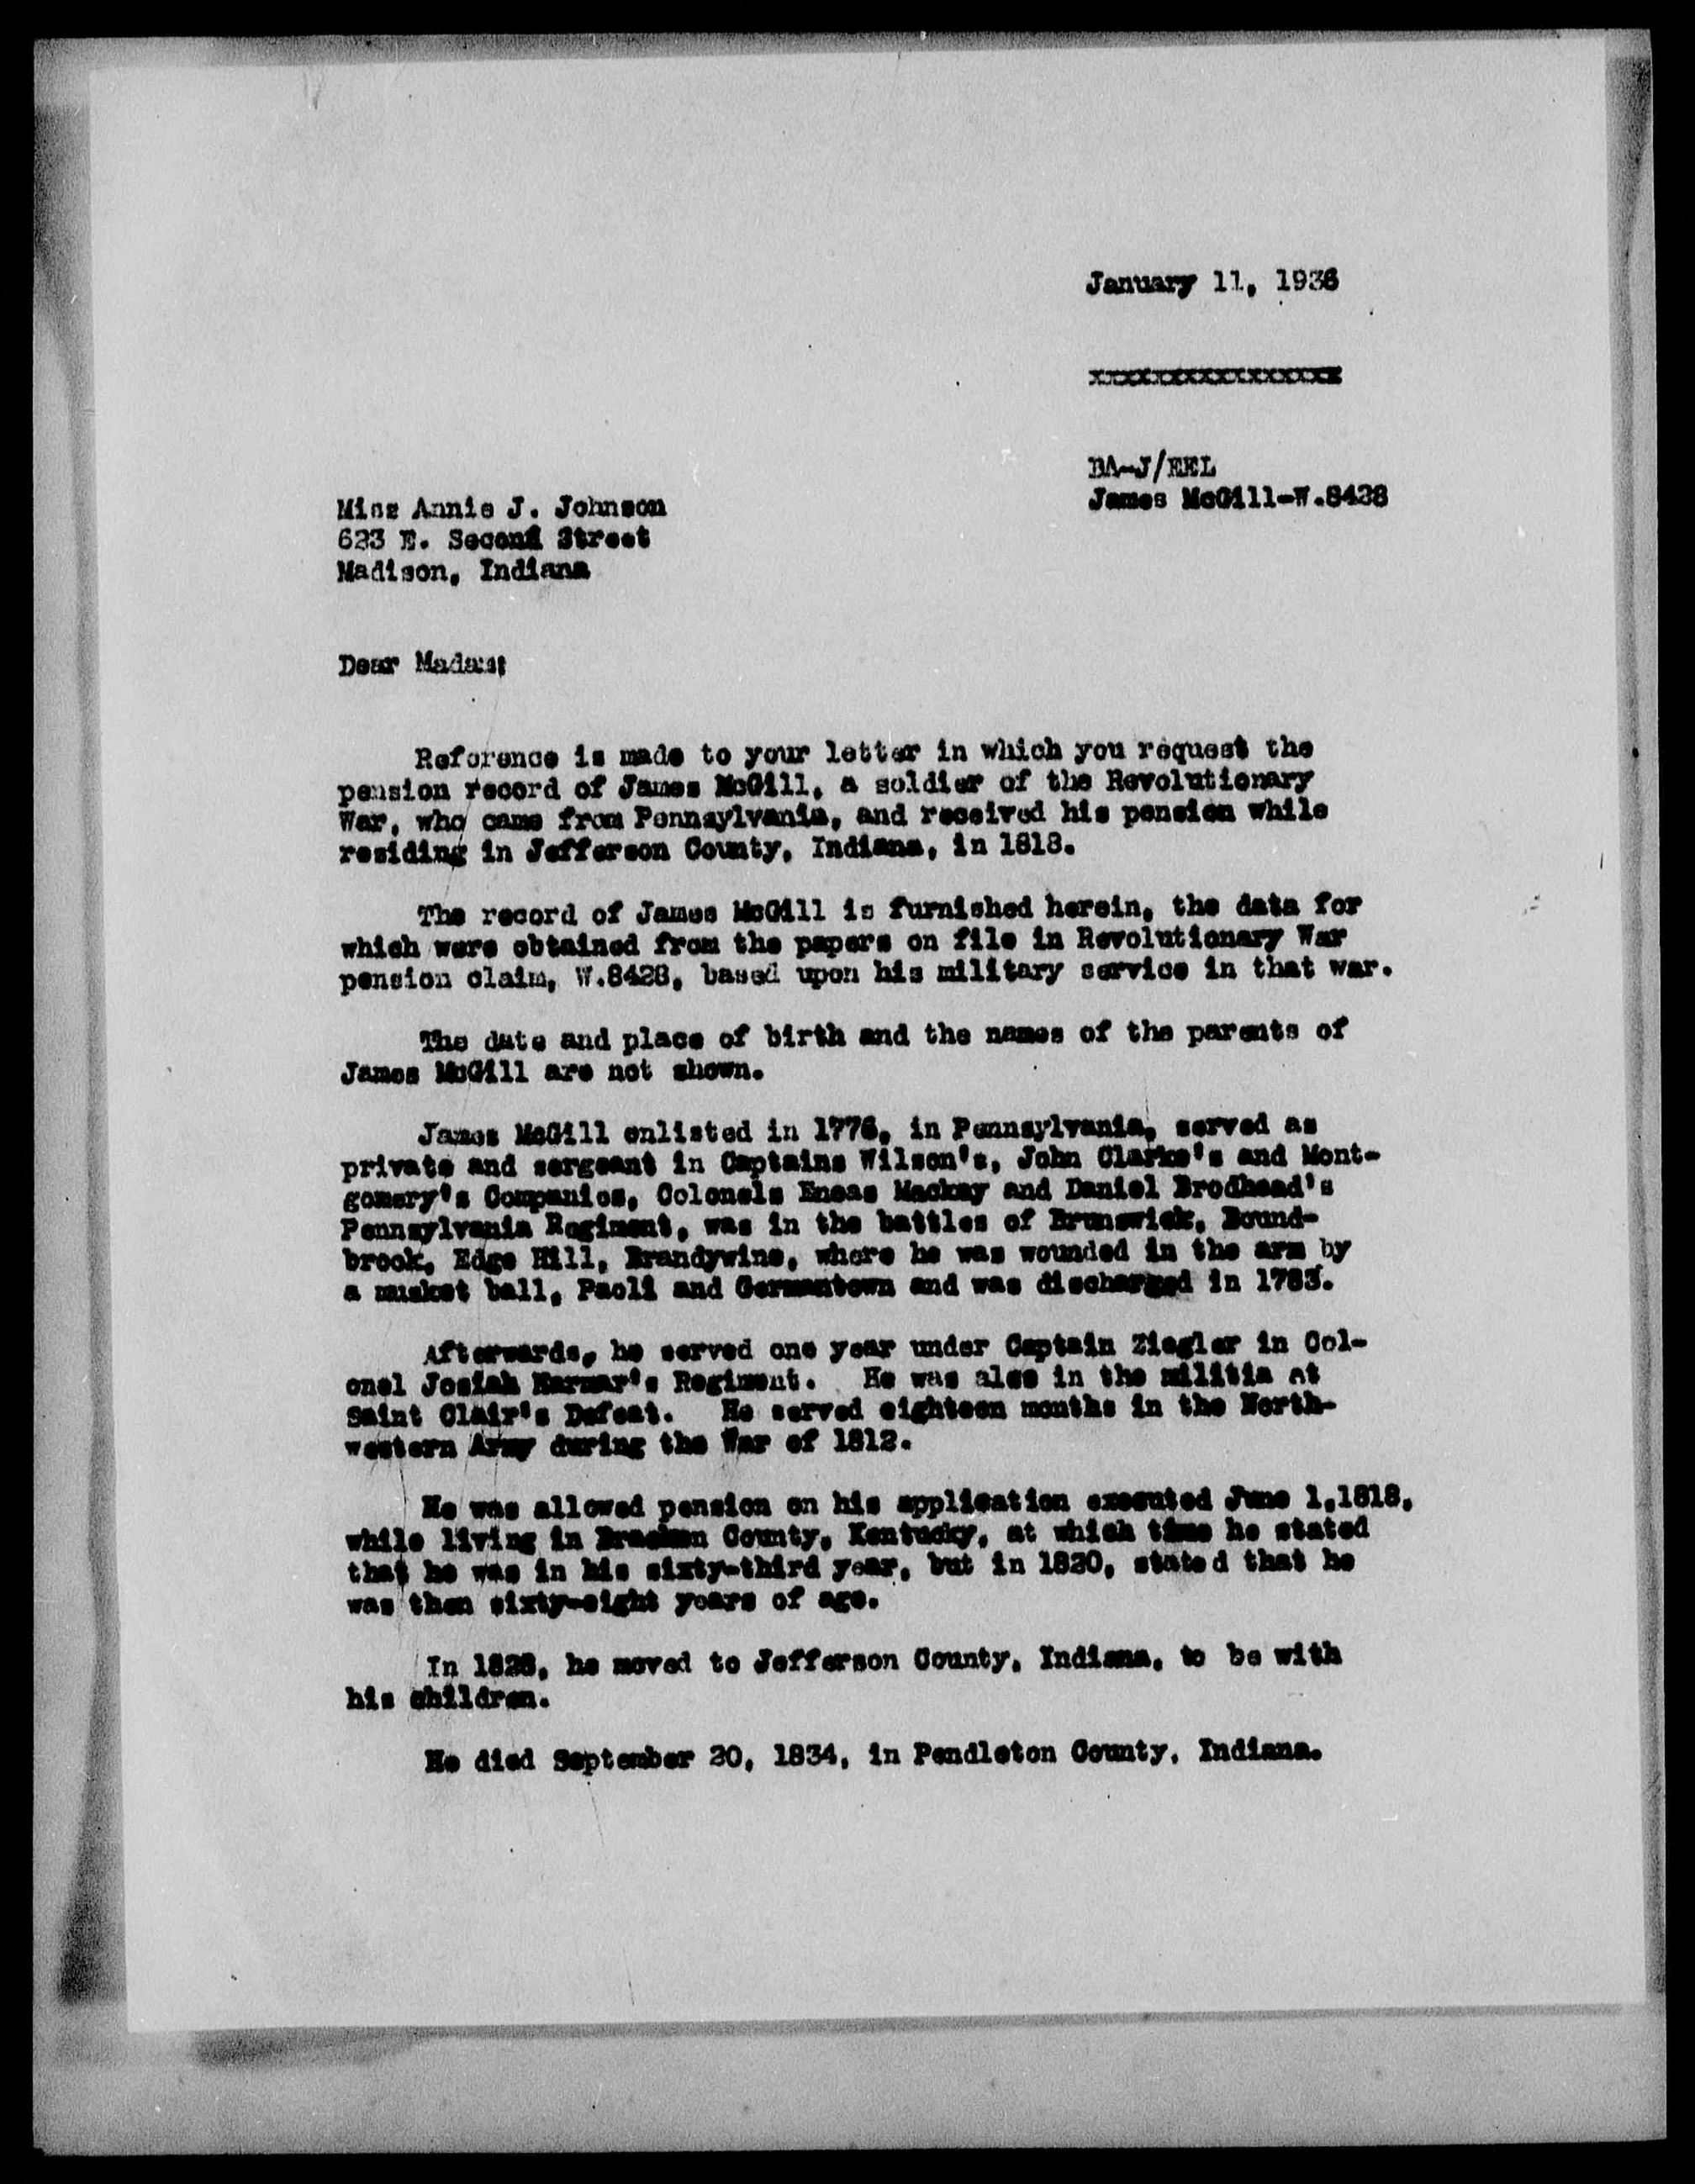image 78   (# 4160873_00078)    
Fold3 File #23857245
[Letter from National Archives]

January 11, 1938
BA-J/EEL  James McGill-W.8438
 [TO]  Miss Annie J. Johnson, 623 E. Second Street, Madison Indiana
Dear Madam:  Reference is made to your letter in which you request the pension record of James McGill, a soldier of the Revolutionary War, who came from Pennsylvania, and received his pension while residing in Jefferson County, Indiana, in 1818.
The record of James McGill is furnished herein, the data for which were obtained from the papers on file in Revolution War pension claim, W.8428, based upon his military service in that war.
The date and place of birth and the names of the parents of James McGill are not shown.
James McGill enlisted in 1776, in Pennsylvania, served as private and sergeant in Captains Wilson's, John Clarke’s and Montgomery’s Companies, Colonels Eneas Mackay and Daniel Brodhead’s Pennsylvania Regiment, was in the battles of Brunswick, Bound Brook. Edge Hill, Brandywine, where he was wounded in the arm by a musket ball, Paoli and Germantown and was discharged in 1783.
Afterwards, he served one year under Captain Ziegler in Colonel Josiah Harmar's Regiment. He was also in the militia at Saint Clair’s Defeat. He served eighteen months in the Northwestern Army during the War of 1812.
He was allowed pension on his application executed June 1,1818 while living in Bracken County, Kentucky, at which time he stated that he was in his sixty-third year, but in 1820, stated that he was then sixty-eight years of age.
In 1828, he moved to Jefferson County, Indiana, to be with his children.
He died September 20, 1834, in Pendleton County, Indiana.  [should state Kentucky]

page: 21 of 71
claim: widow's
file: W. 8428, for James Mc Gill, Pennsylvania